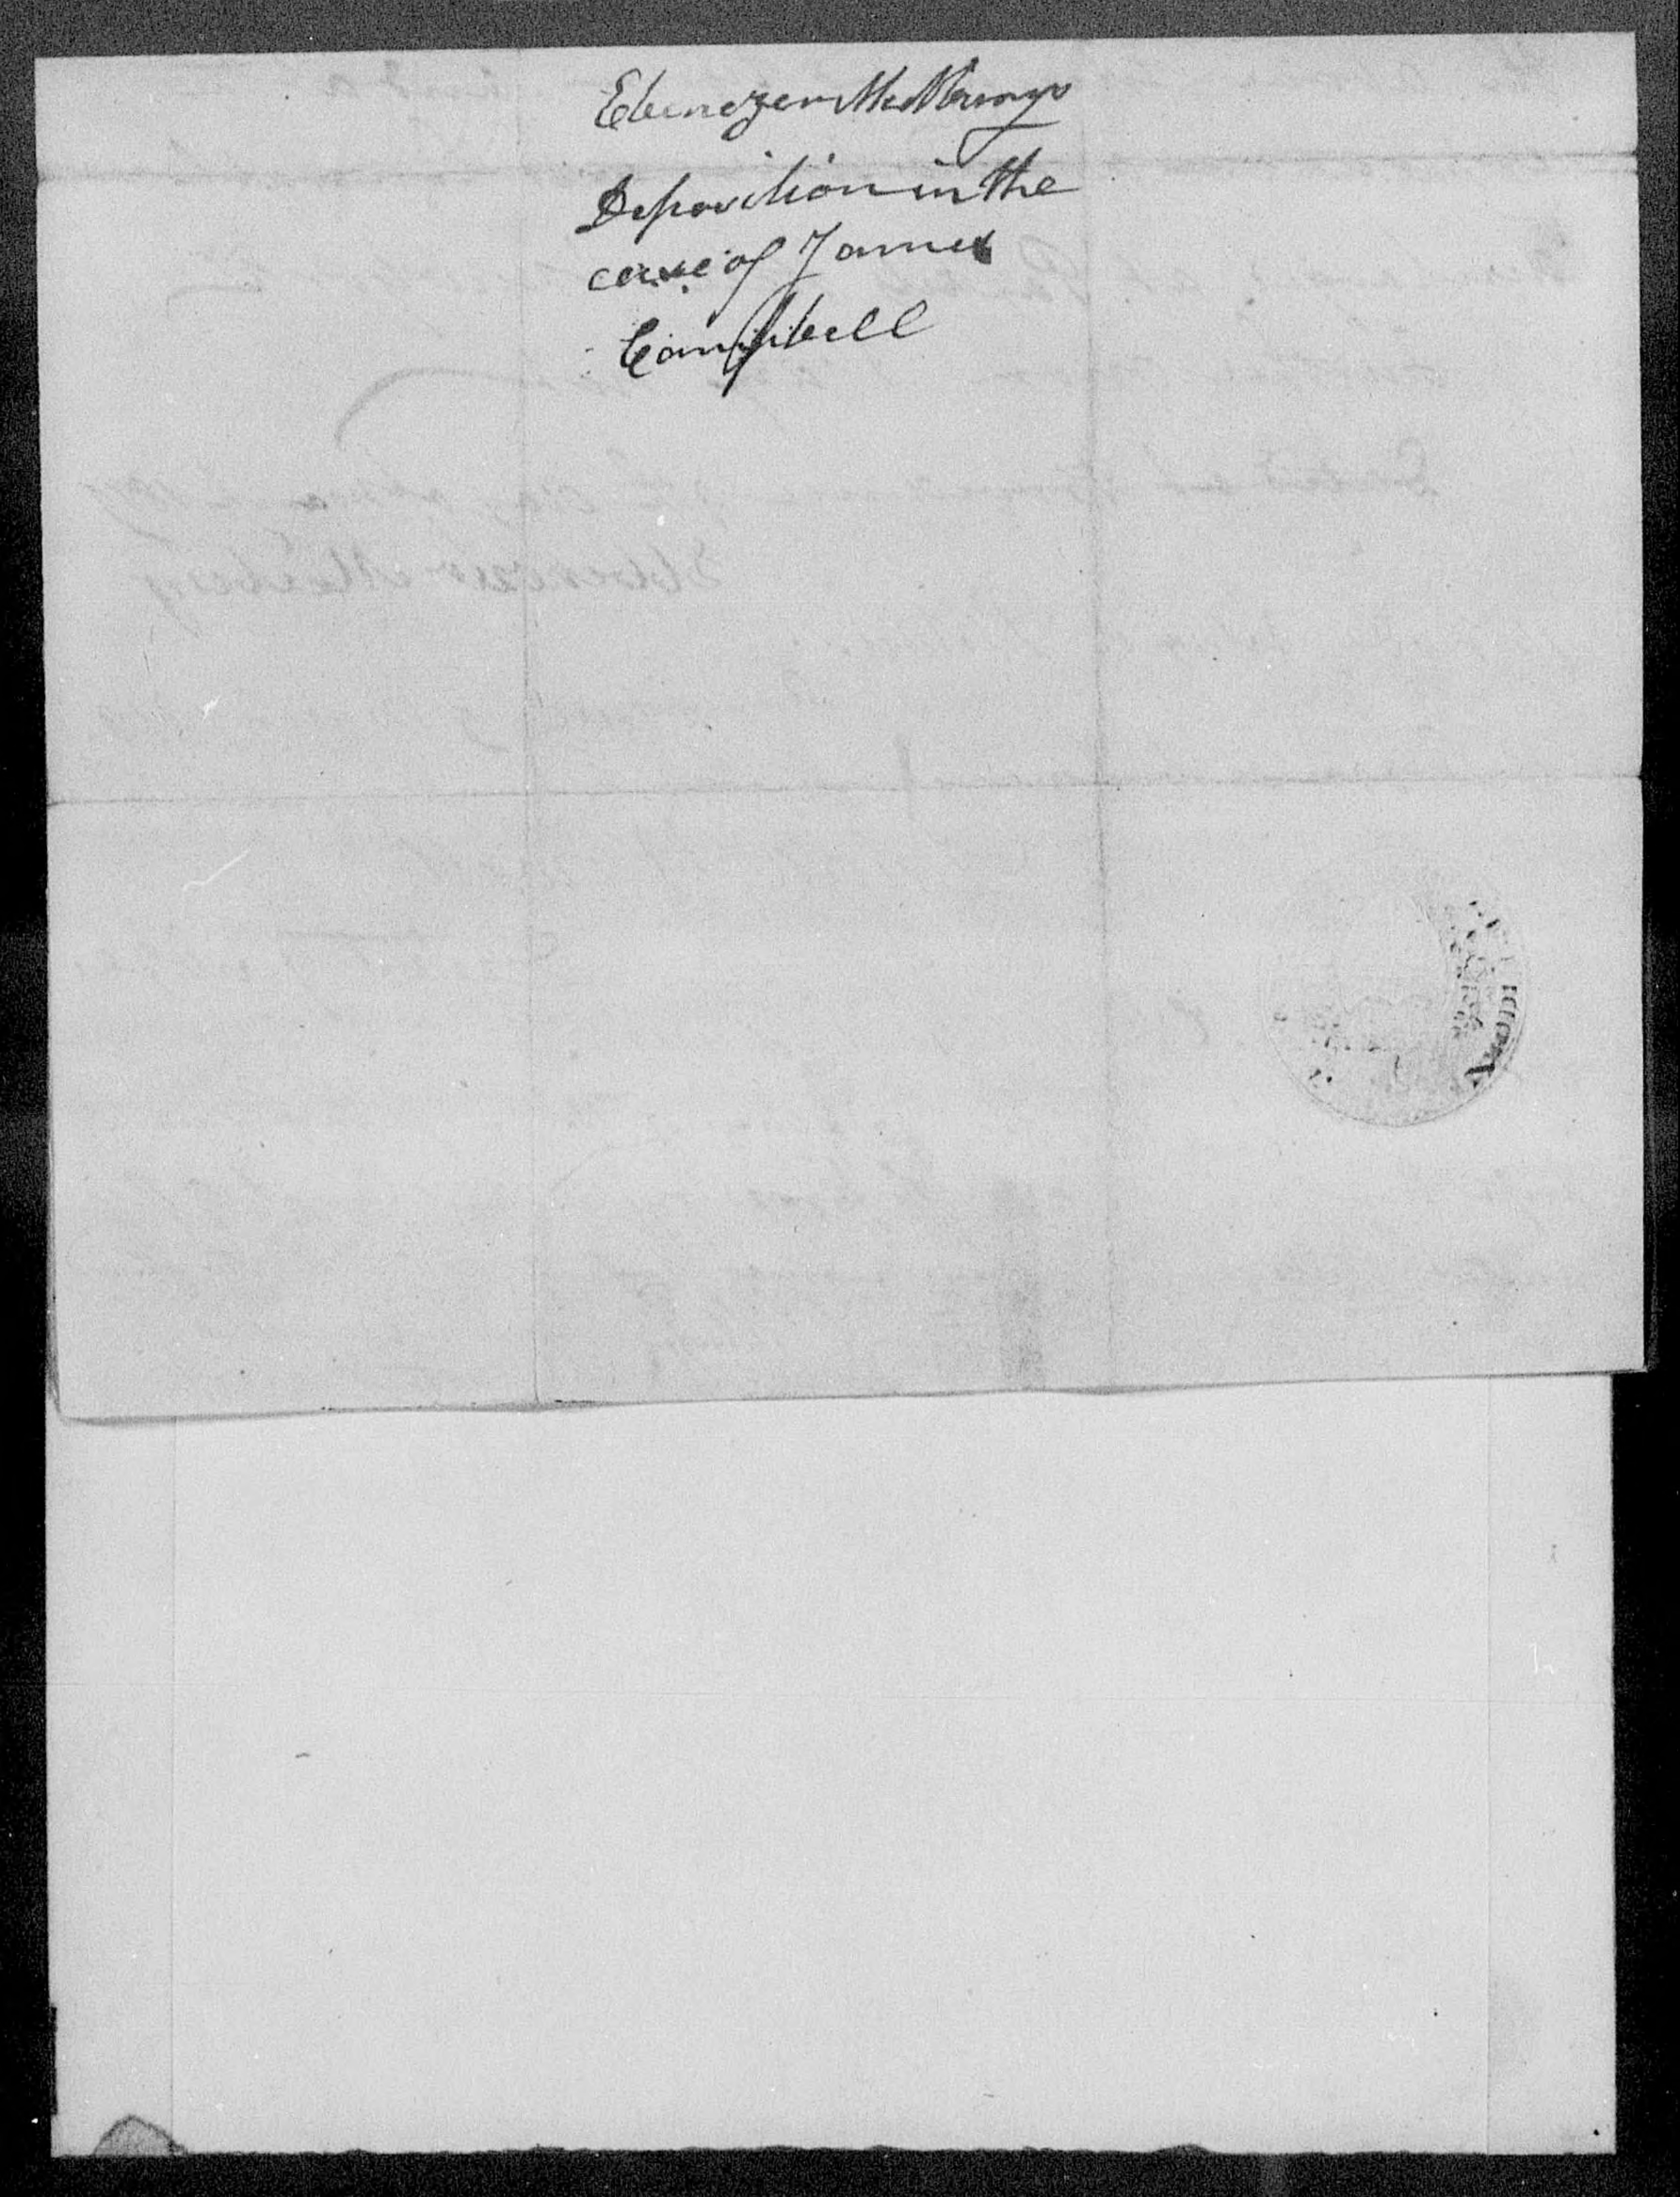Ebenezer Medbury
Deposition in the
case of James
Campbell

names: James Campbell, Ebenezer Medbury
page: 56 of 67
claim: widow's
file: W. 23772, James Campbell, Continental Mass.